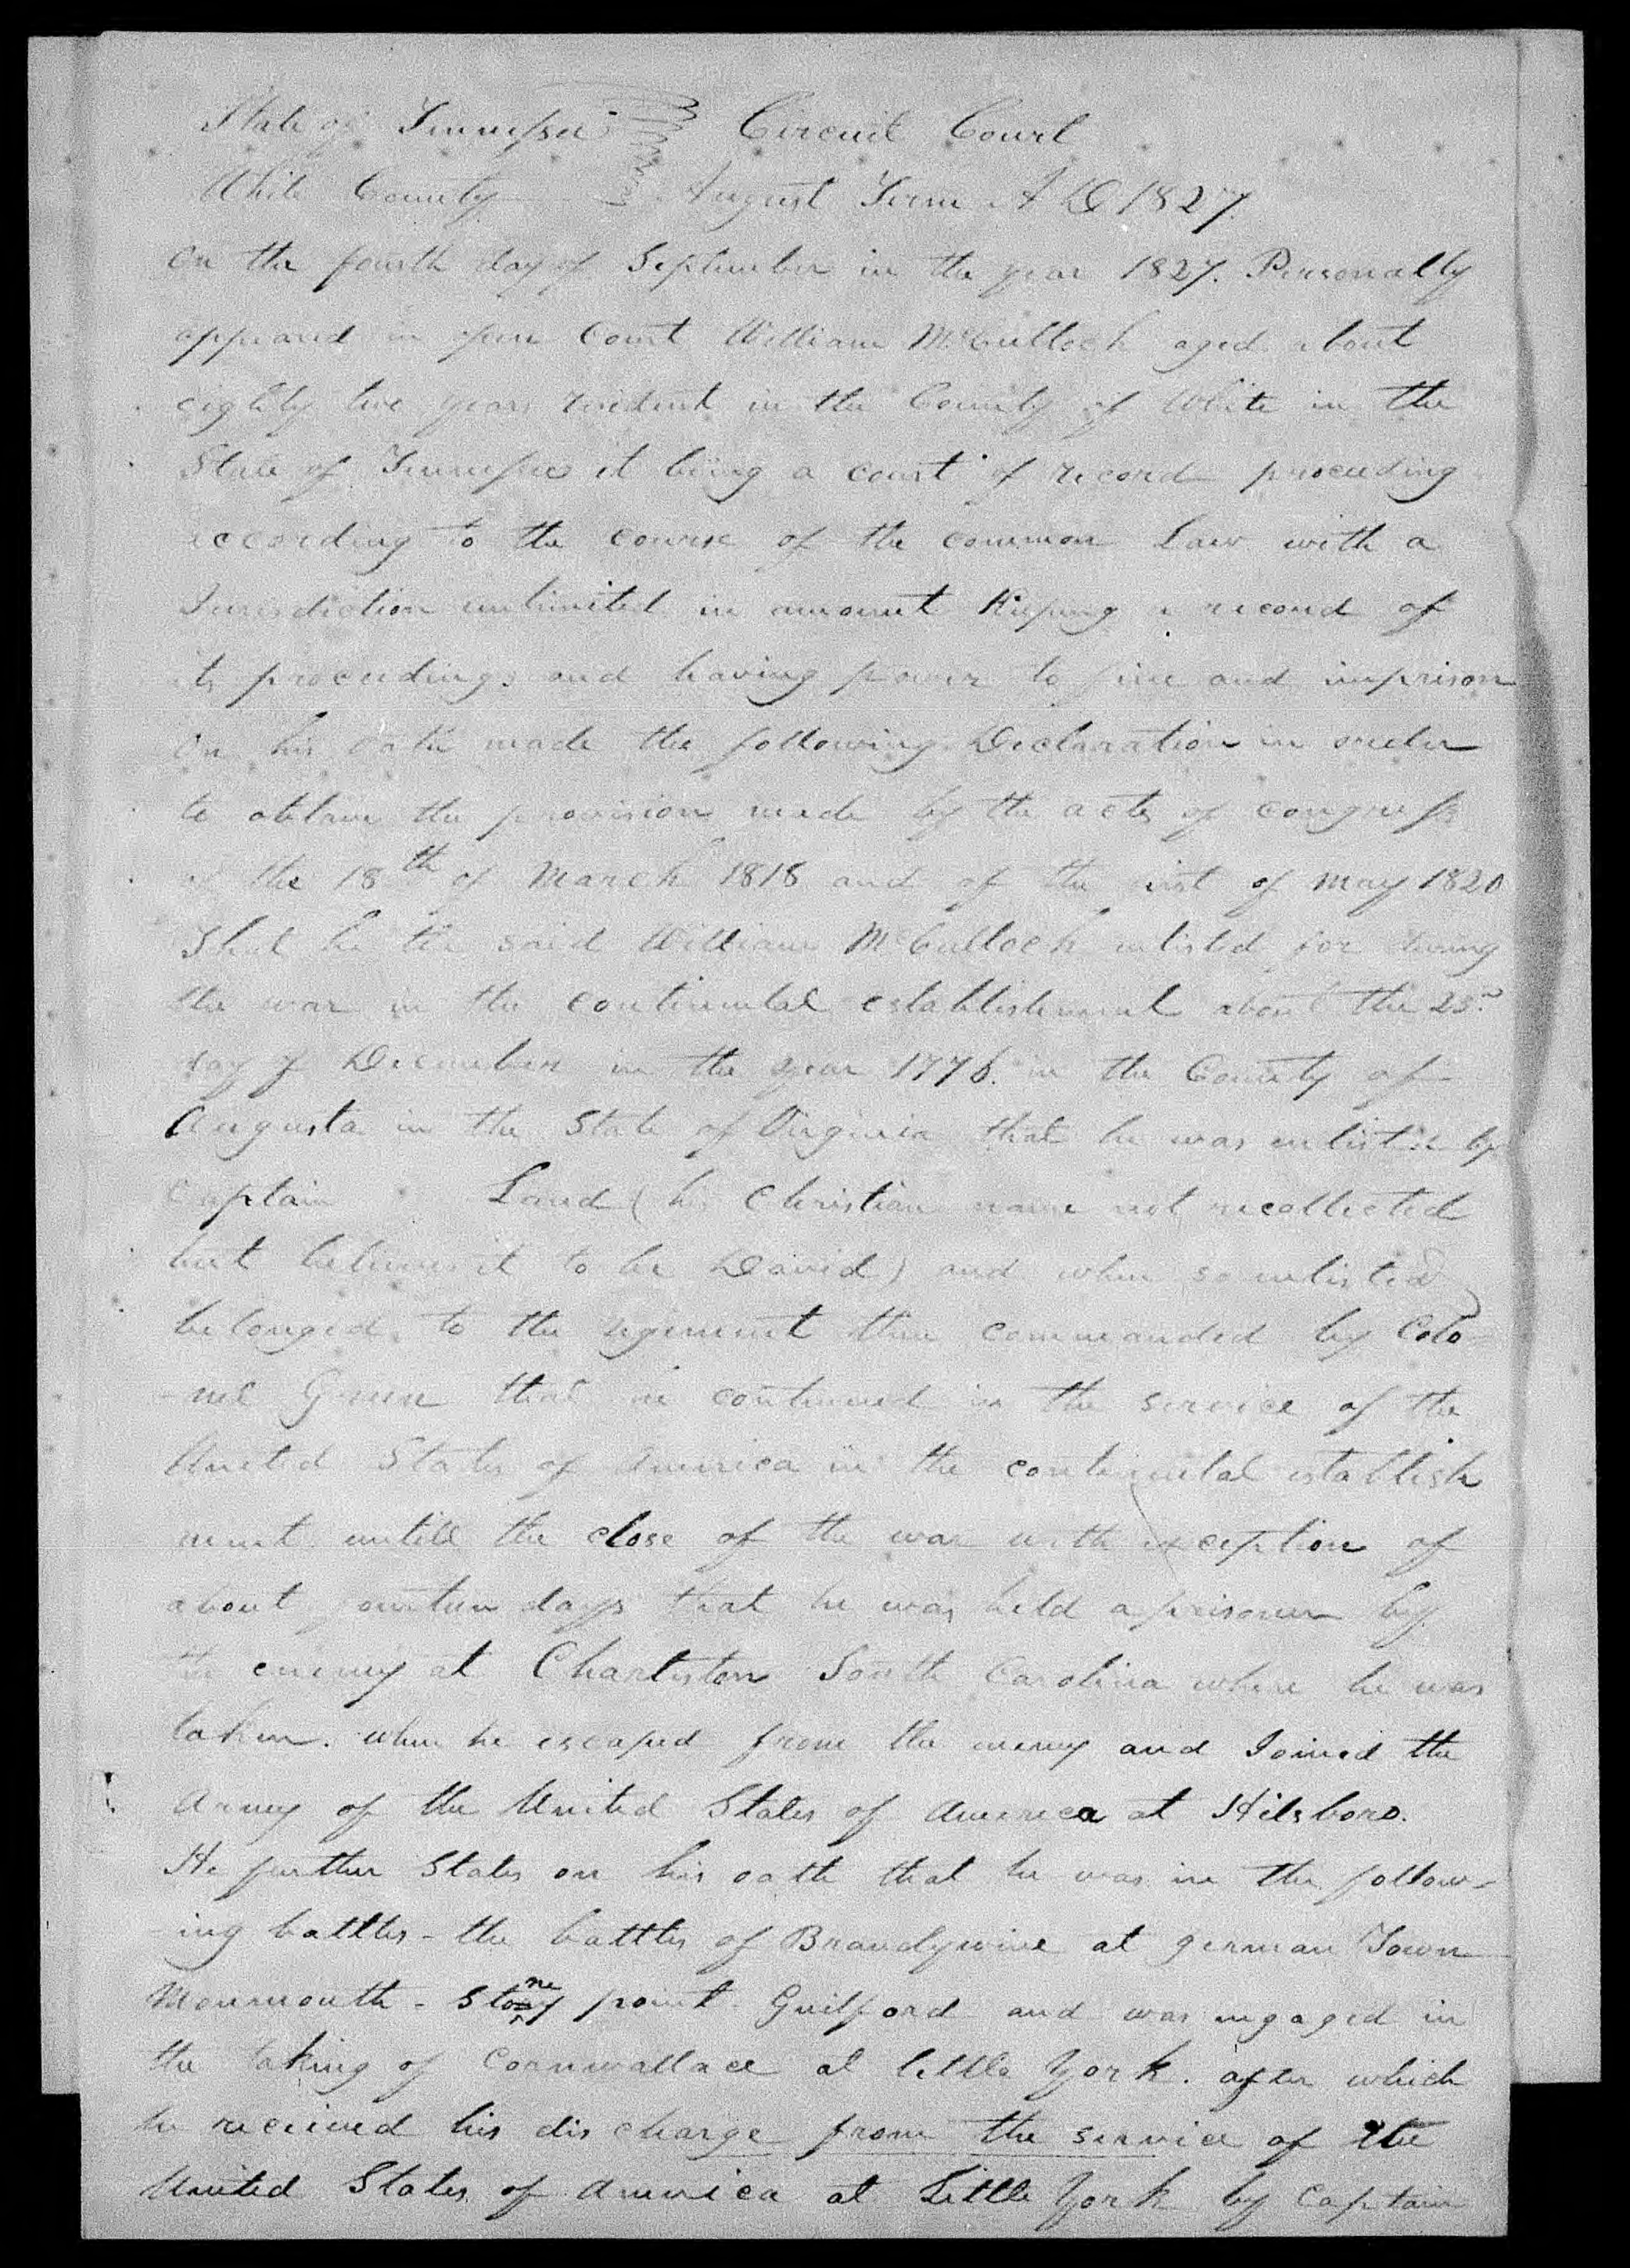State of Tennessee White County: Circuit Court August Term A.D. 1827 
     On the 4th day of September in the year 1827 Personally appeared in open Court William McCulloch aged about eighty-two years resident in the County of White in the State of Tennessee it being a court of record proceeding according to the course of the common law with a Jurisdiction unlimited in amount keeping a record of its proceedings and having power to fine and imprison On his oath made the following Declaration in order to obtain the provision made by the acts of Congress of the 18th of March 1818 and the first of May 1820.  That he the said William McCulloch enlisted for during the war in the Continental establishment about the 25 day 
of December in the year 1776 in the County of Augusta in the State of Virginia that he was 
enlisted by Captain D. Laird (his Christian 
name not recollected but believed it to be David) and when so enlisted belonged to the Regiment then commanded by Colonel Green that he continued in the service of the United States of America in the Continental establishment until the close of the war with exception of about fourteen days that he was held a prisoner by the enemy at Charleston South Carolina where he was taken – when he escaped from the enemy and joined the Army of the United States of America at Hillsborough.  He further states on his oath that he was in the following battles – the battles of Brandywine, at German Town,
Monmouth  Stony Point– Guilford and was engaged in the taking of Cornwallace at little 
York, after which he received his discharge from the service of the United States of America at Little York by Captain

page: 4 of 9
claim: survivor's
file: S. 38,936, for William Mc Culloch, Virginia